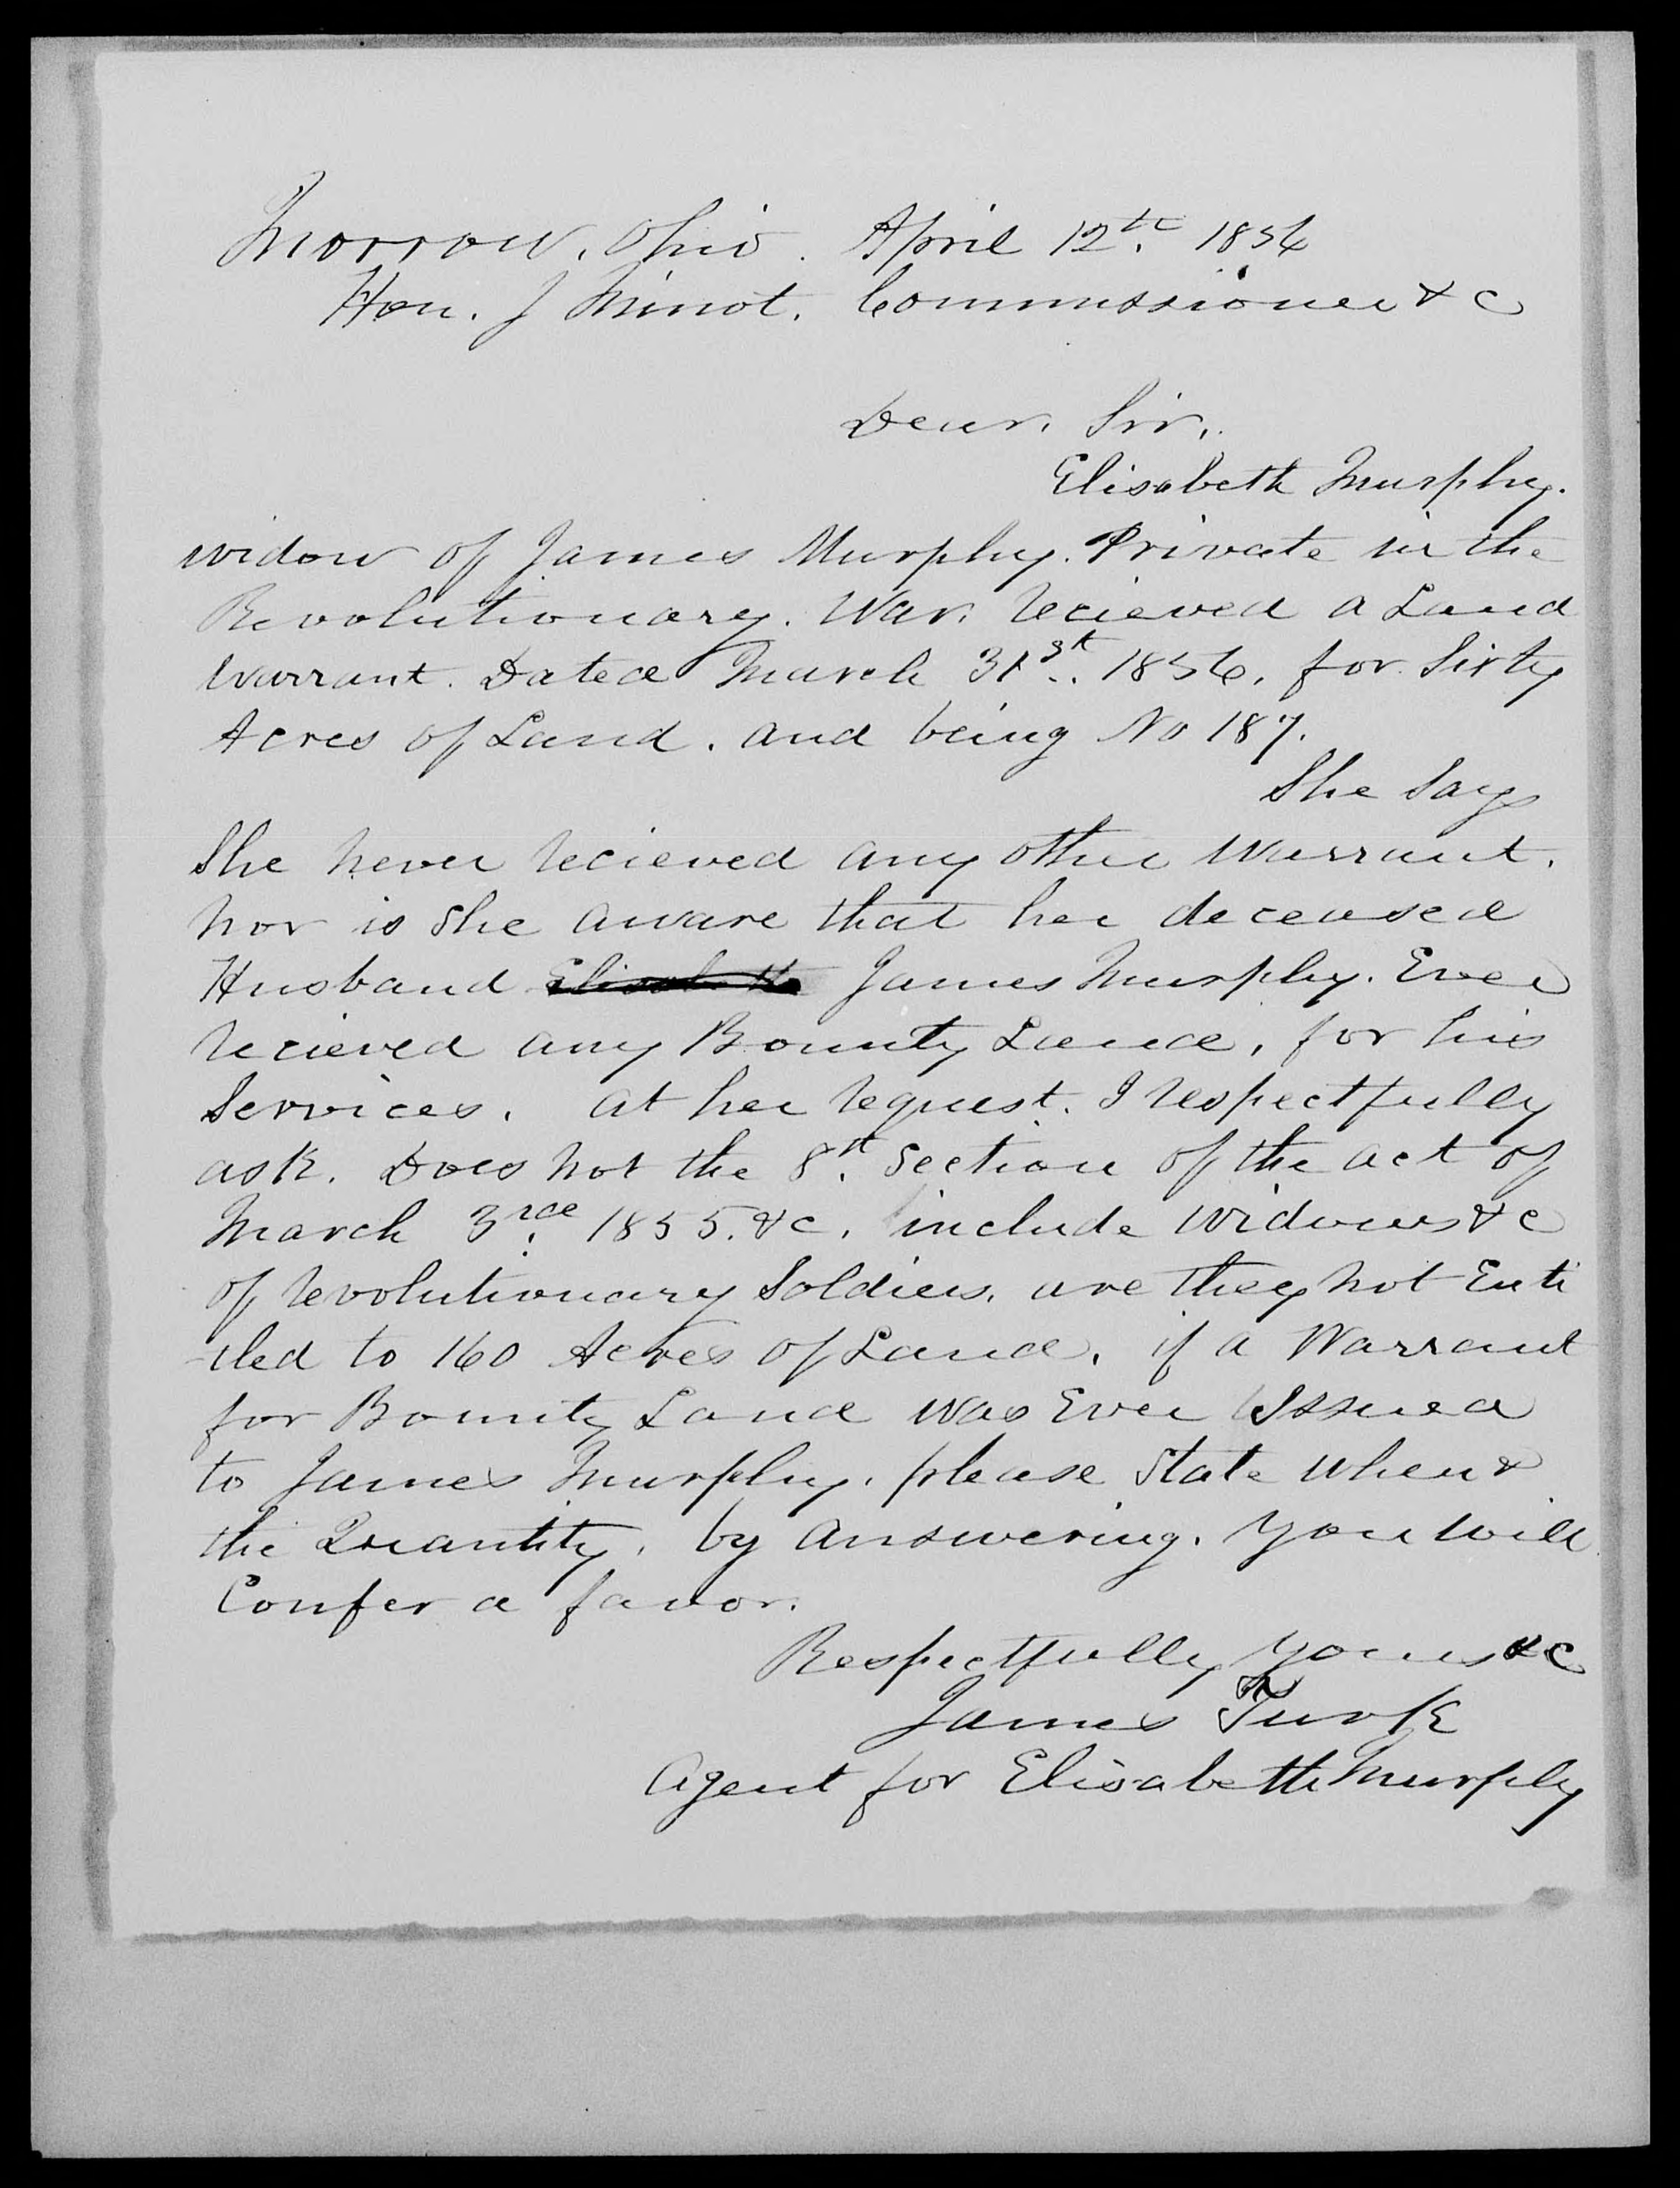Morrow, Ohio April 12th 1854
Hon J Minot. Commissioner & c

Dear Sir,
Elizabeth Murphy
widow of James Murphy Private in the
Revolutionary War, recieved a Land
Warrant Dated March 31st 1856, for Sixty
Acres of Land, and being No 187.

She says
she never recieved any other warrant,
nor is she aware that her deceased
Husband James Murphy, Ever
received any Bounty Land, for his
services.  At her request. I respectfully
ask, Does not the 8th Section of the act of
March 3rd 1855, &c. include widows &c
of Revolutionary Soldiers., are they not entitled to 160 Acres of Land, if a Warrant
for Bounty Land was ever issued
to James Murphy, please state when &
the Quantity, by answering you will
confer a favor.
Respectfully Yours &c
James Turk  /s/
Agent for Elizabeth Murply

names: James Turk; Elisabeth Murphy; J Minot; James Murphy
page: 55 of 57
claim: widow's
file: W. 25,739, for James Murphey, Pennsylvania